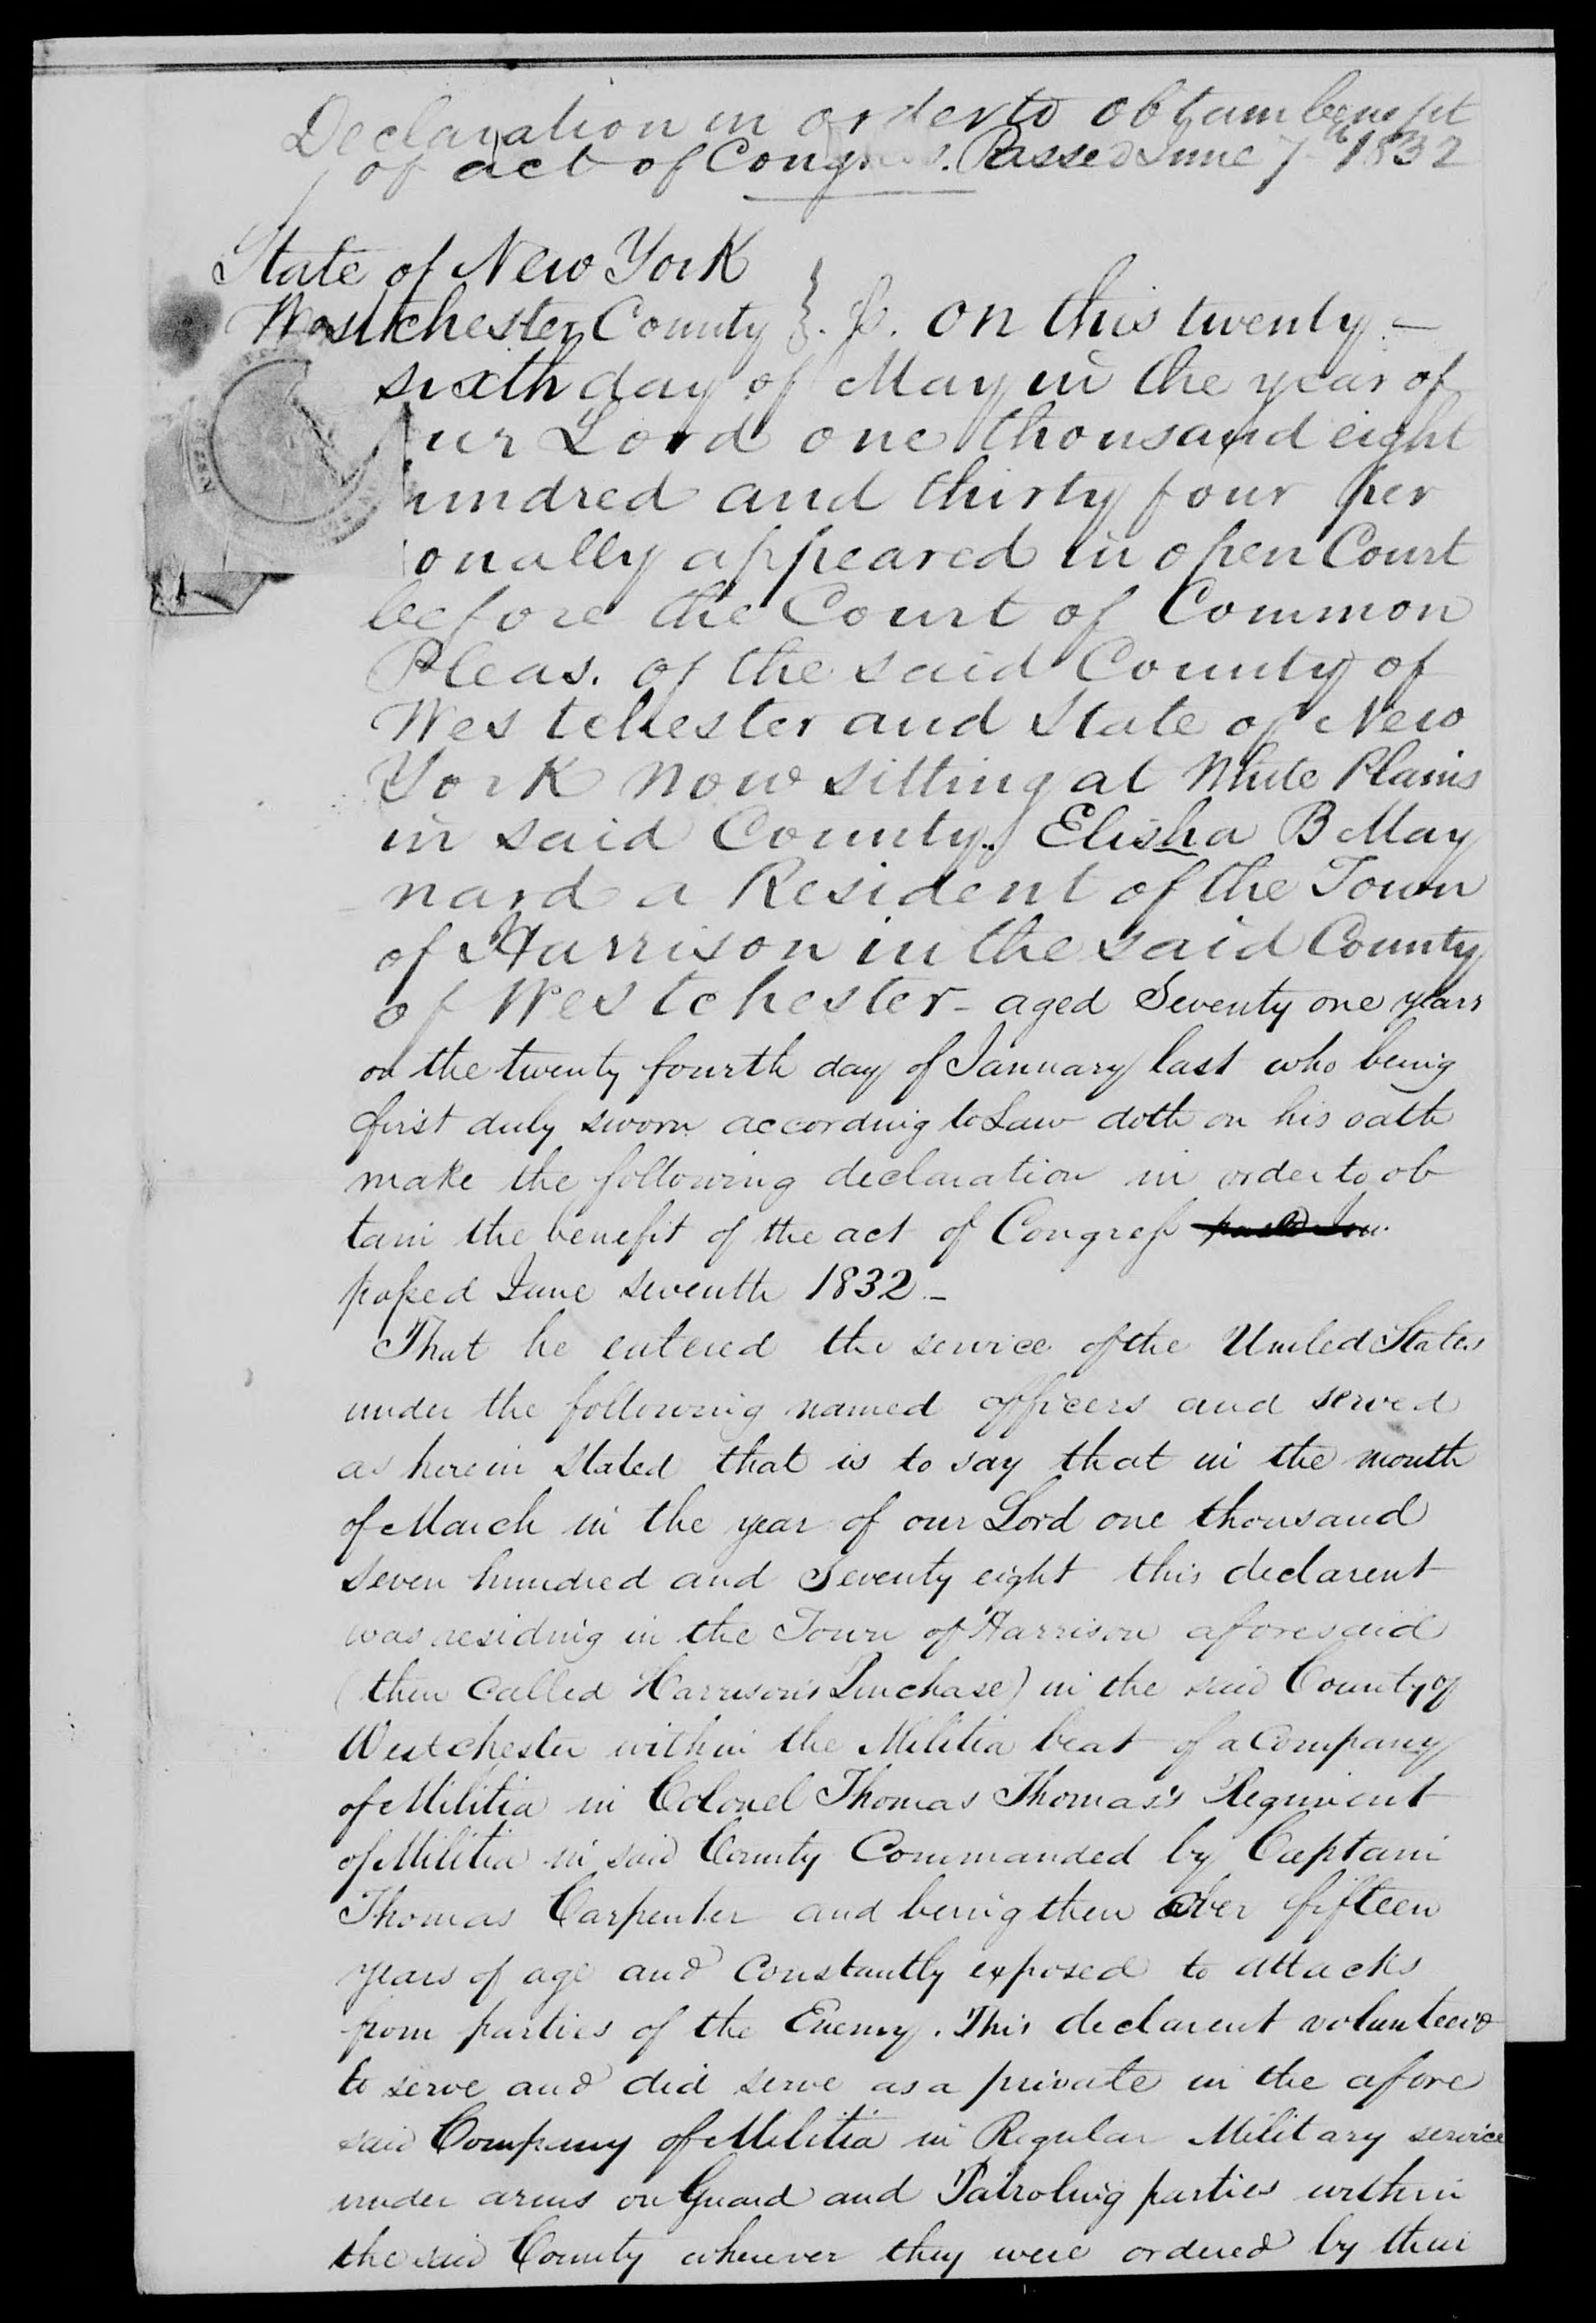Declaration in order to obtain benefit of act of Congress passed June 7 1832 
State of New York} 
Westchester County} ss.  
[SEAL]  On this twenty-sixth day of May in the year of our Lord one thousand eight hundred and thirty four personally appeared in open Court before the Court of Common Pleas of the said County of Westchester and State of New York now sitting at White Plains in said County, Elisha B Maynard a Resident of the Town of Harrison in the said County of Westchester aged Seventy one years on the twenty fourth day of January last who being first duly sworn according to Law doth on his oath make the following declaration in order to obtain the benefit of the act of Congress passed June Seventh 1832. 
That he entered the service of the United States under the following named officers and served as herein stated that is to say that in the month of March in the year of our Lord one thousand seven hundred and Seventy eight this declarent was residing in the Town of Harrison aforesaid (then called Harrison's Purchase) in the said County of Westchester within the Militia beat of a Company of Militia in Colonel Thomas Thomas's Regiment of Militia in said County Commanded by Captain Thomas Carpenter and being then over fifteen years of age and constantly exposed to attacks from parties of the Enemy. This declarant volunteer'd to serve and did serve as a private in the aforesaid Company of Militia in Regular Military service under arms on Guard and Patroling parties within the said County wherever they were ordered by their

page: 4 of 33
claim: rejected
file: R. 7,063, for Elisha B Maynard, New York